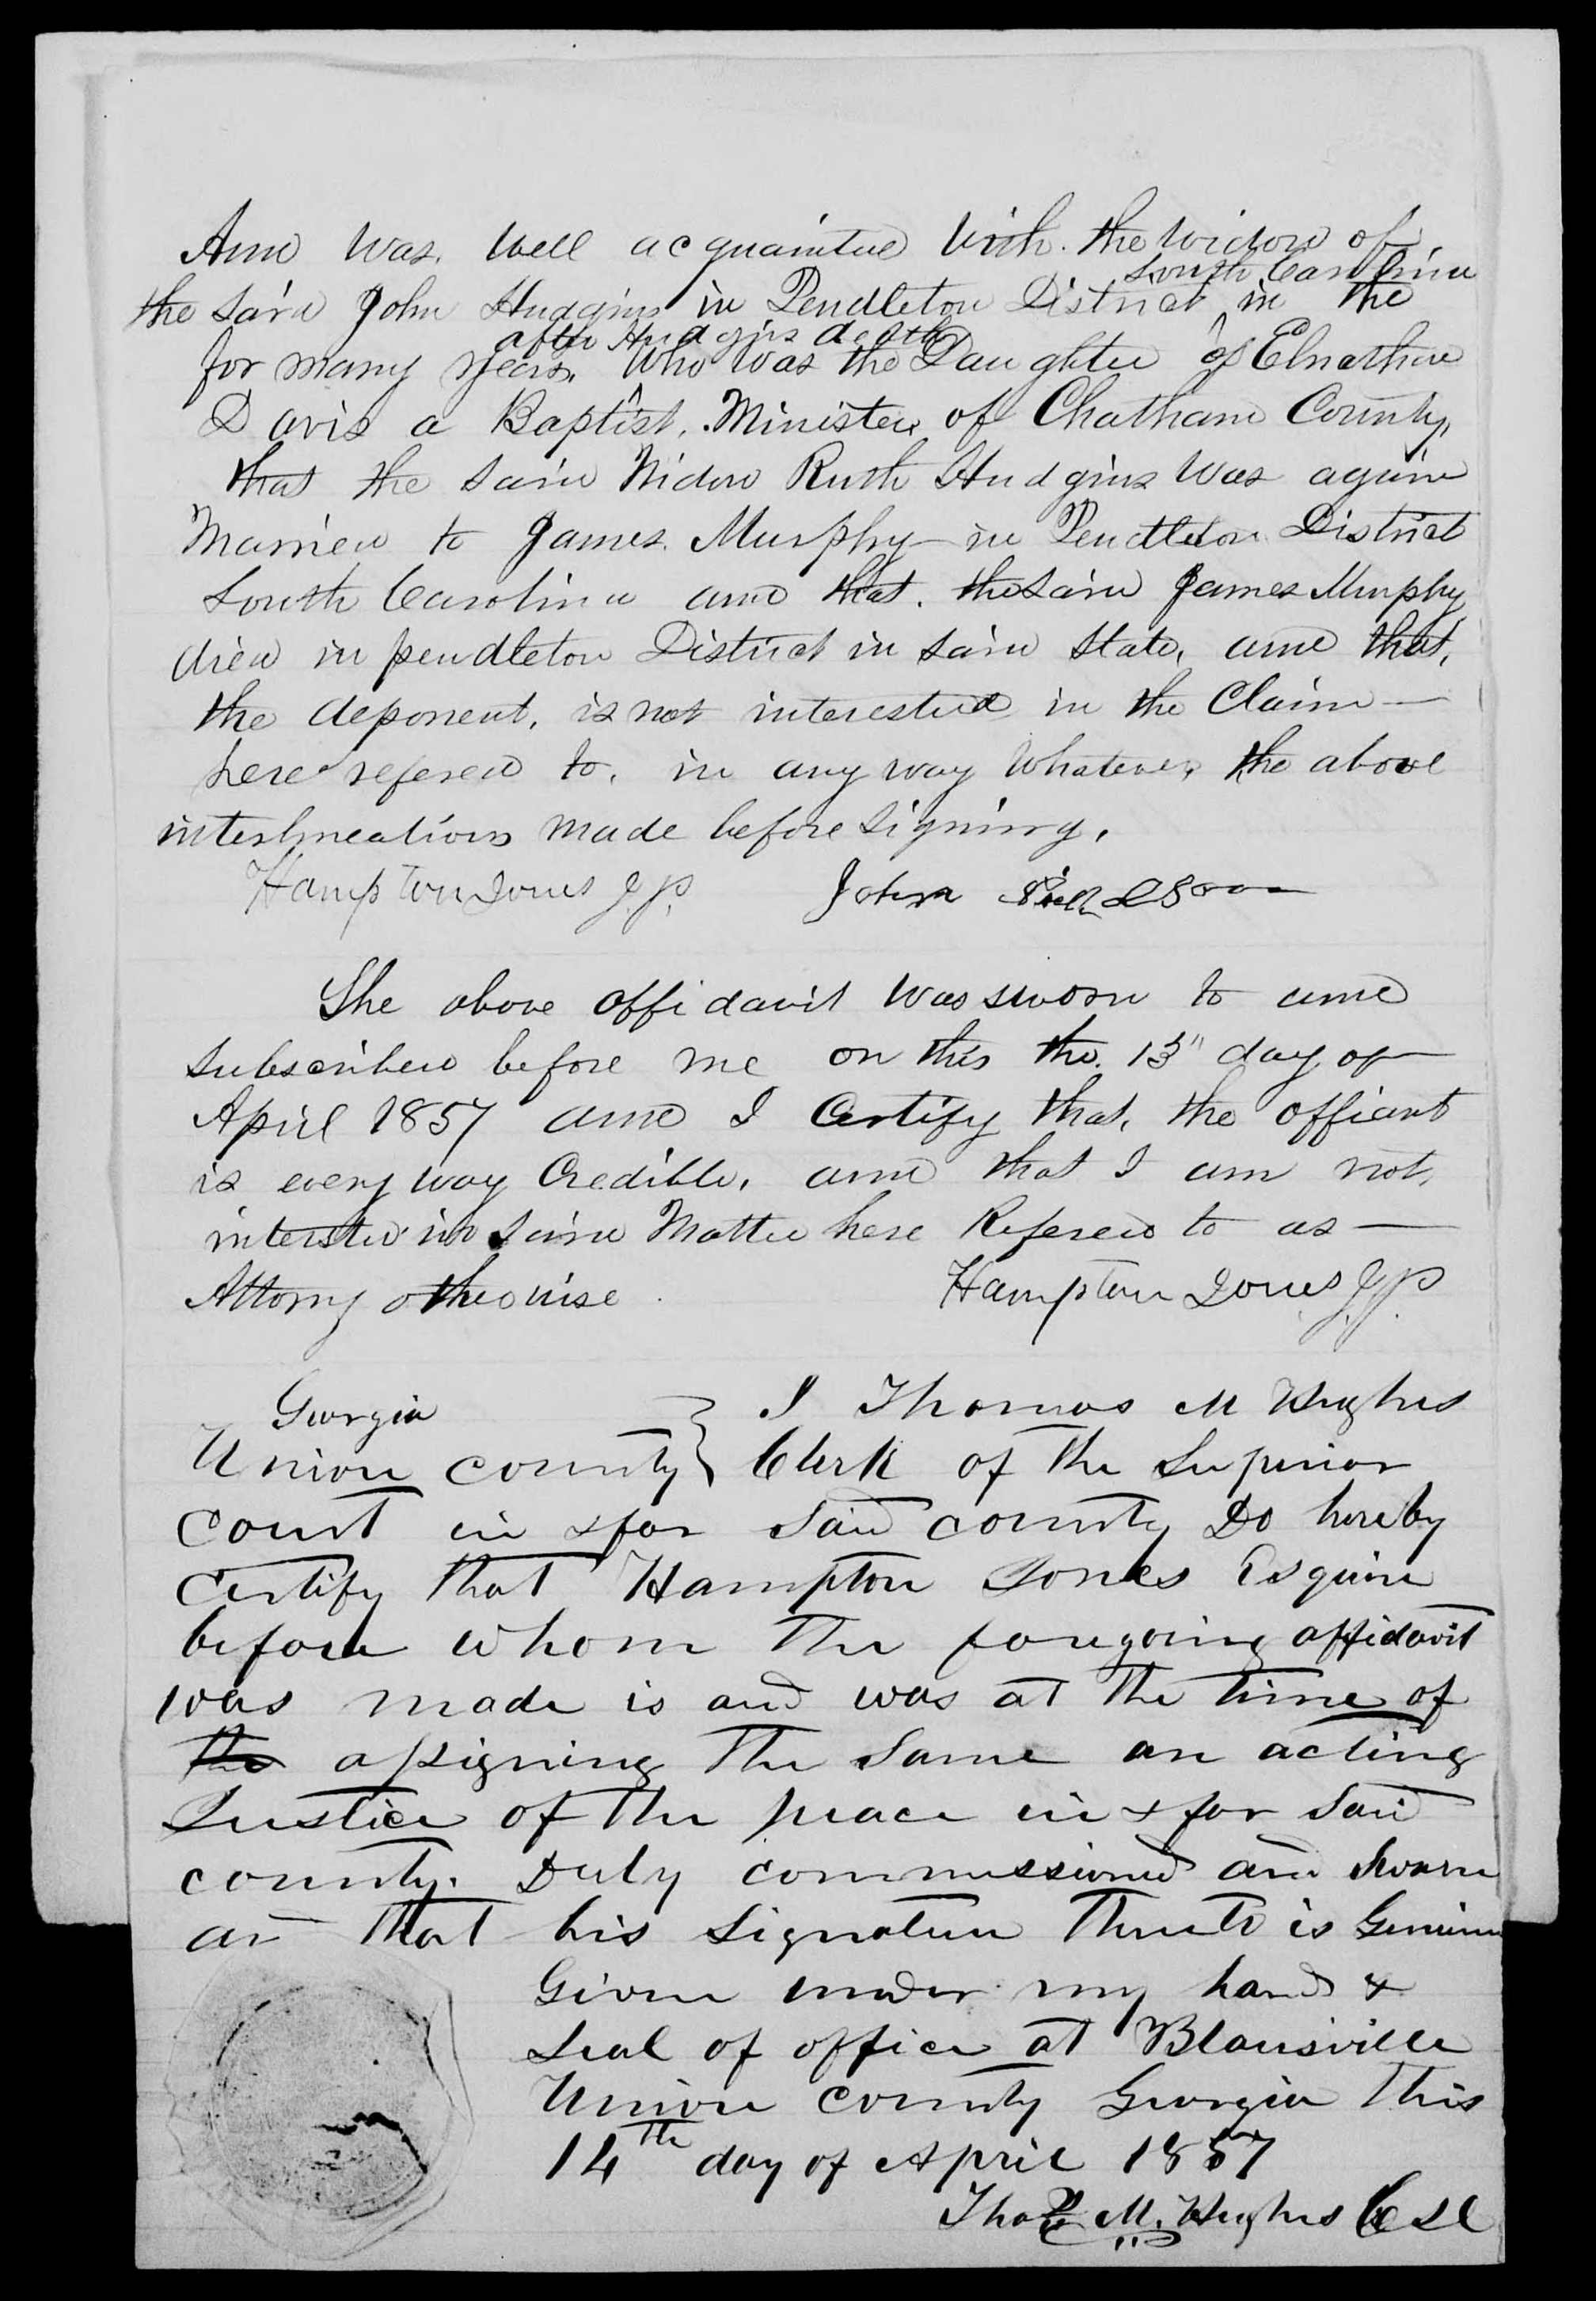And was well acquainted with the widow of the said John Huggins in Pendleton District South Carolina in the for many years after Hudgins death. Who was the daughter of Elnathan Davis a Baptist minister of Chatham County. That the same widow Ruth Hudgins was again married to James Murphy in Pendleton District South Carolina and that the said James Murphy died in Pendleton District in said state came that the deponent is not interested in the claim here referred to in any way whatever the above interrogations made before signing. 
Hampton Jones J.P.    John Pendleton

The above affidavit was sworn to me subscribed before me on this the 13th day of April 1857 and I certify that the officiant is every way credible and that I am not interested in this matter here refered to as Attorney otherwise. Hampton Jones J.P.

Georgia Union County. I Thomas M Hughes Clerk of the Superior Court in aforesaid county do hereby certify that Hampton Jones Esquire before whom the foregoing affidavit was made is an was at the time of signing the same and acting Justice of the Pease in & for said county. Duly commissioned and sworn and that his signature thereto is genuine given under my hand & seal of office a Blausville Union County Georgia this 14th day of April 1857. Thomas M. Hughes CSC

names: Elnathan Davis, John Hudgins, James Murphy, Hampton Jones, Thomas M Hughes, Ruth Hudgins, John Nickolson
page: 79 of 108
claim: rejected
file: R. 7,515, John Hudgins, N.C.